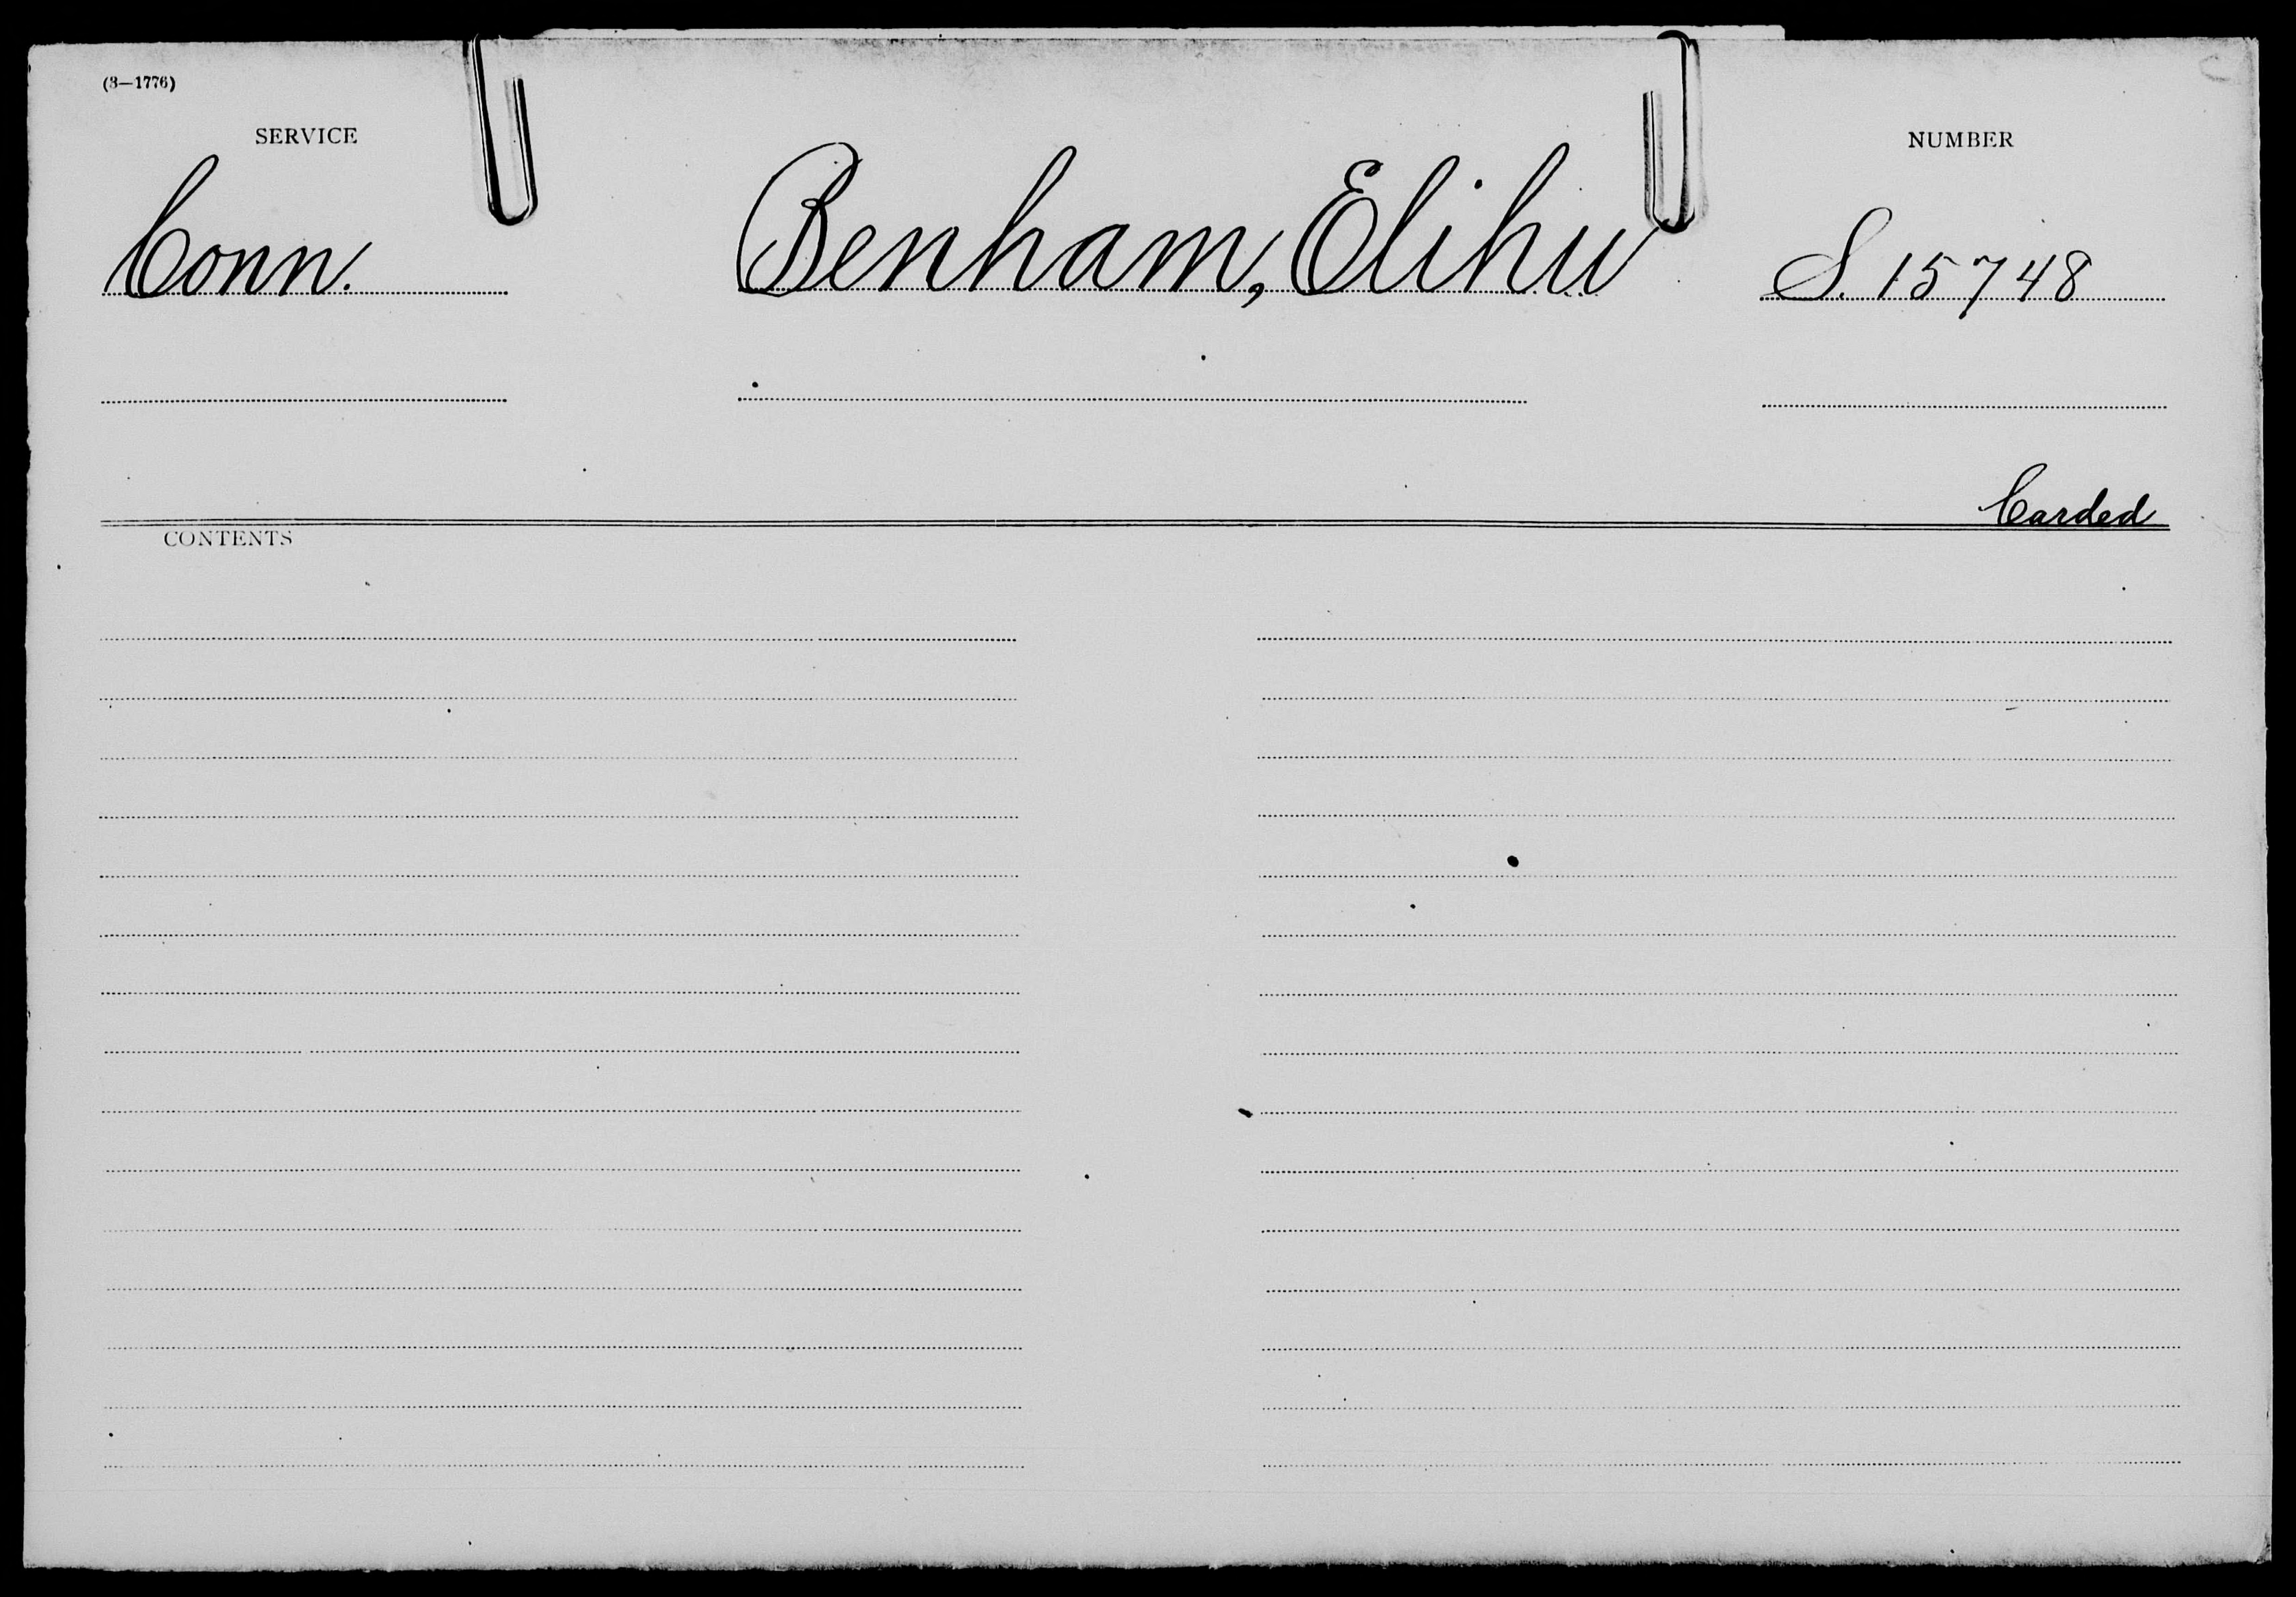(3 - 1776)
 SERVICE Conn.
 Benham, Elihu
 NUMBER S. 15748
 Carded

CONTENTS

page: 1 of 45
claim: survivor's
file: S. 15748, Elihu Benham, Conn.